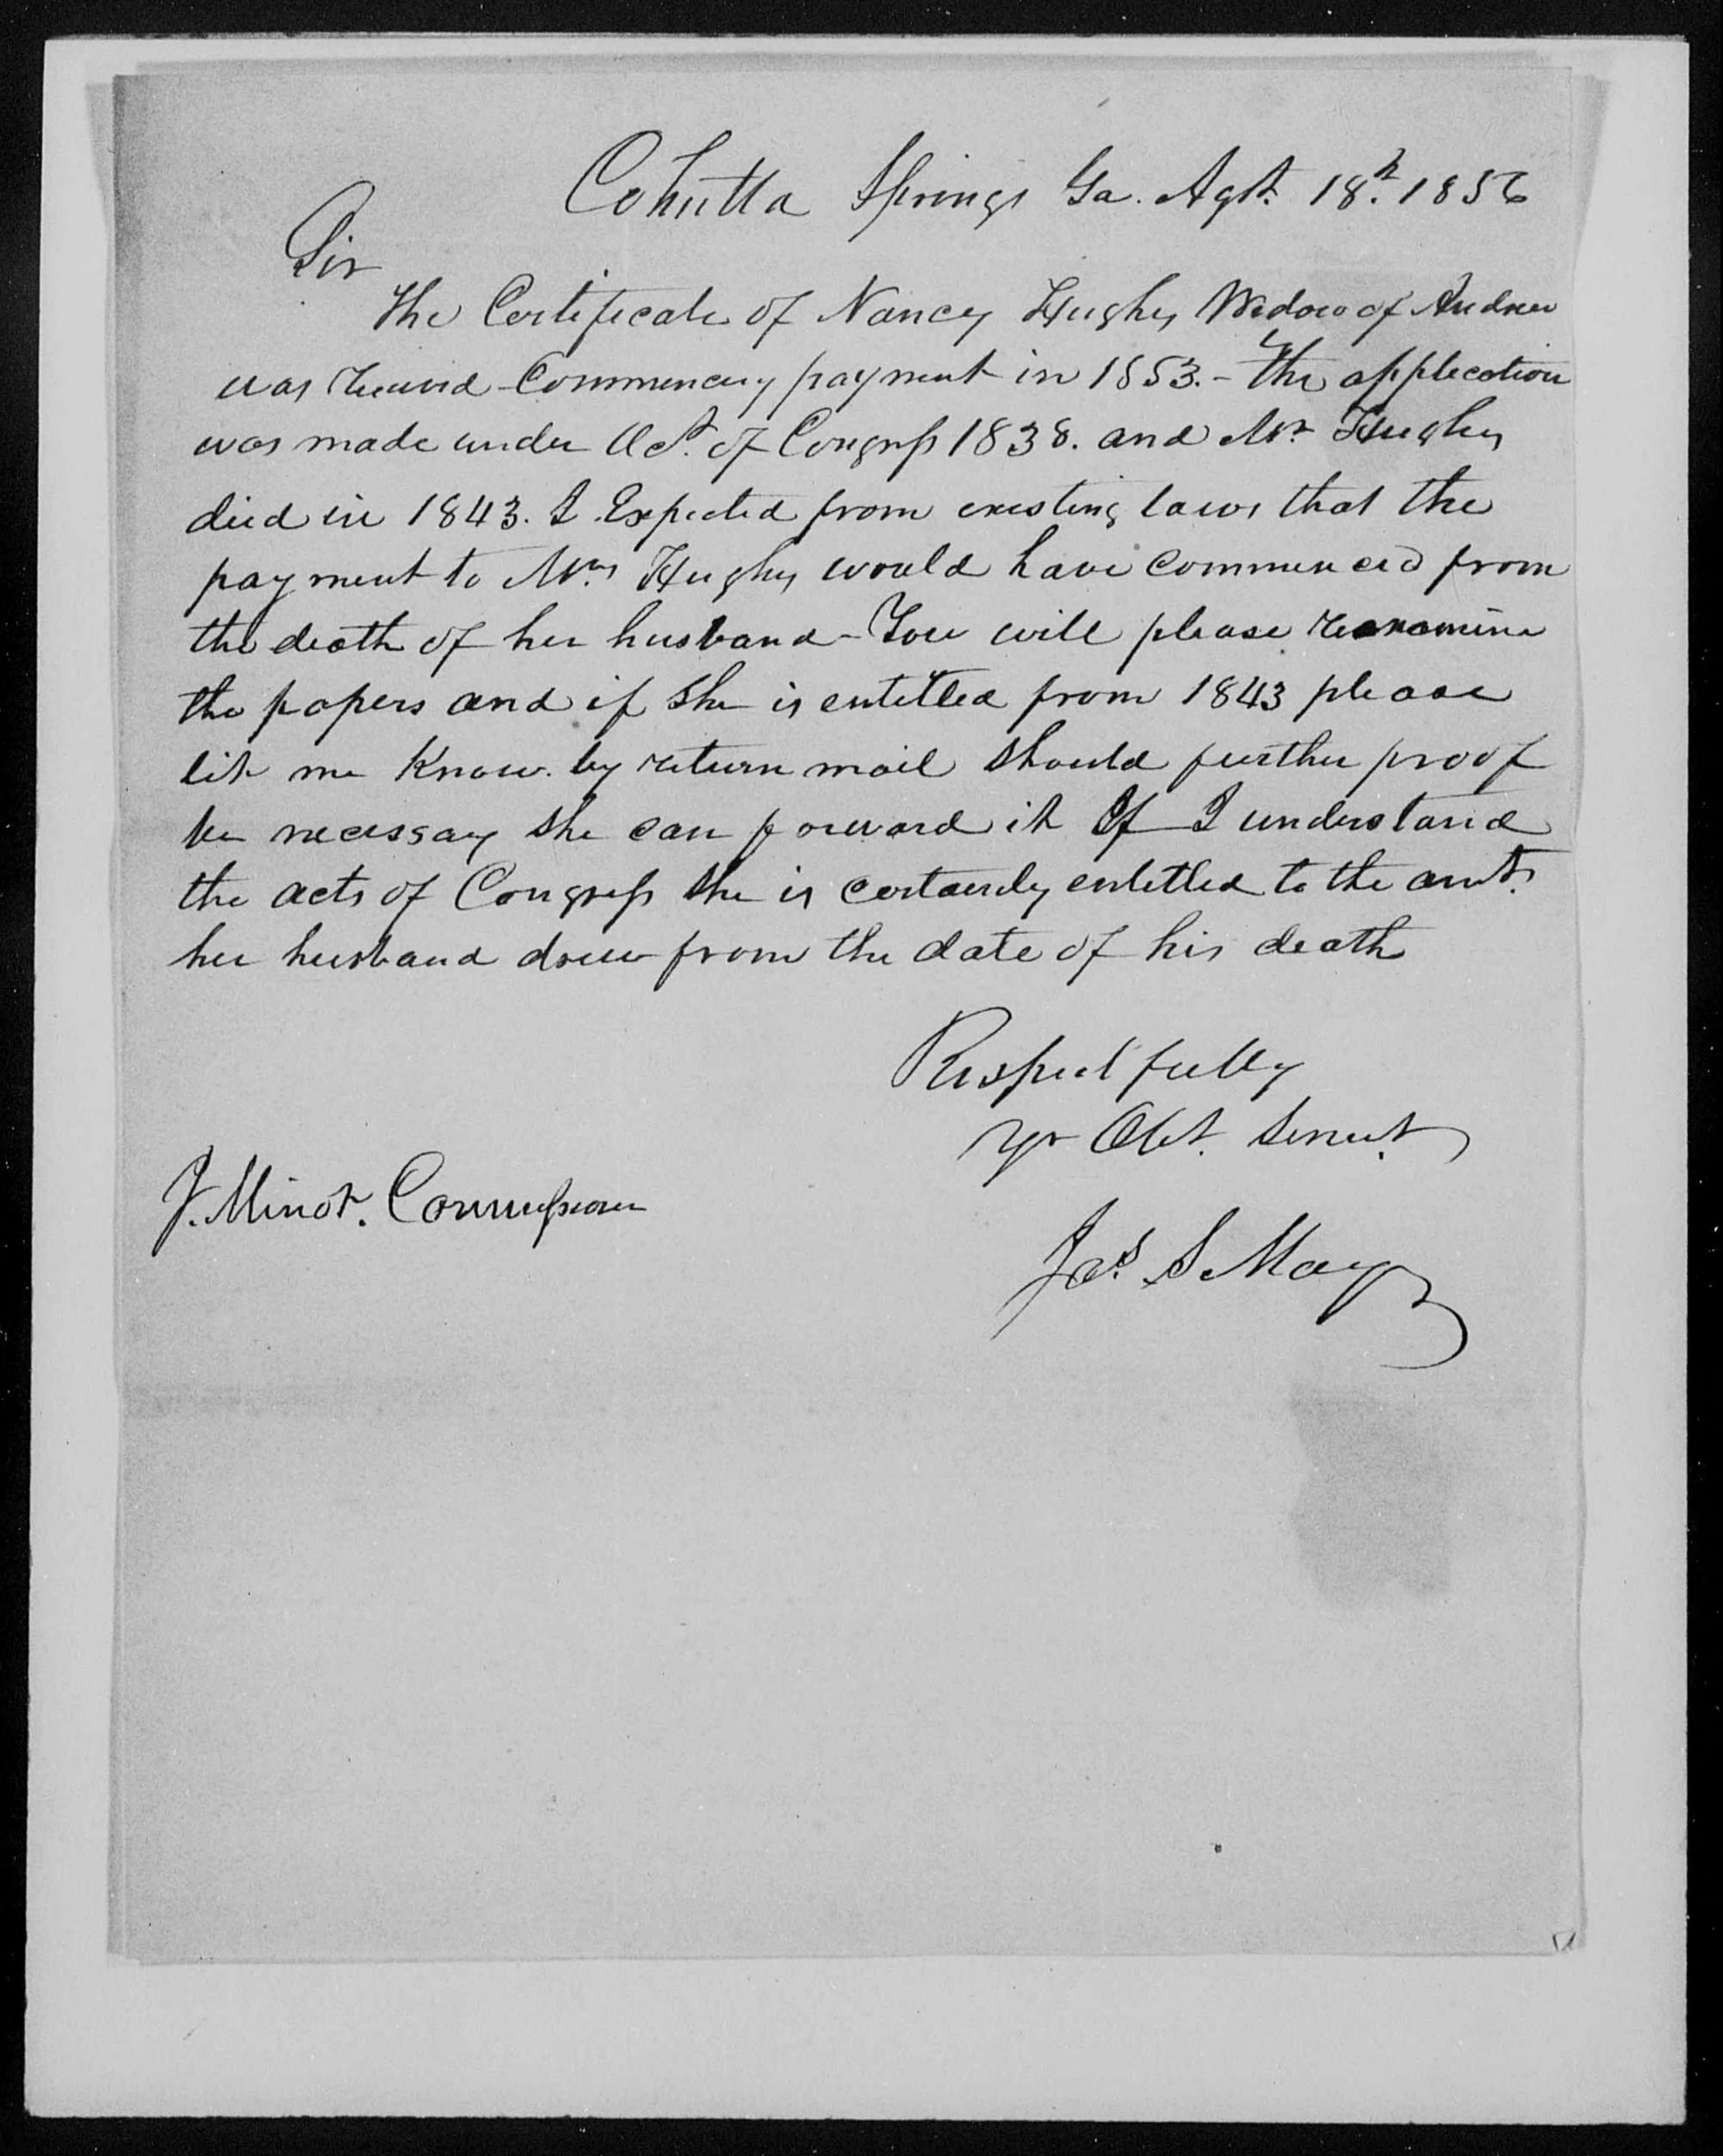Cohintha Springs Ga. Agst. 18th. 1856
Sir 
The Certificate of Nancy Hughes Widow of Andrew was {illegible???vid} Commencing payment in 1853.- The application was made under Act of Congress 1838. and Mr. Hughes died in 1843. I Expected from existing law, that the payment to Mrs. Hughes would have commenced from the death of her husband. You will please reexamine the papers and if she is entitled from 1843 please let me know by return mail should further proof be necessary she can forward it If I understand the acts of Congress she is certainly entitled to the amt. her husband drew from the date of his death 
Respectfully 
Your Obt. Srvnt.
Jas. S. May
J. Minot. Conmpion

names: Andrew, Jas S May, J Minot, Nancy Hughes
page: 49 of 75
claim: widow's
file: W. 25805, Andrew Hughes, N.C.